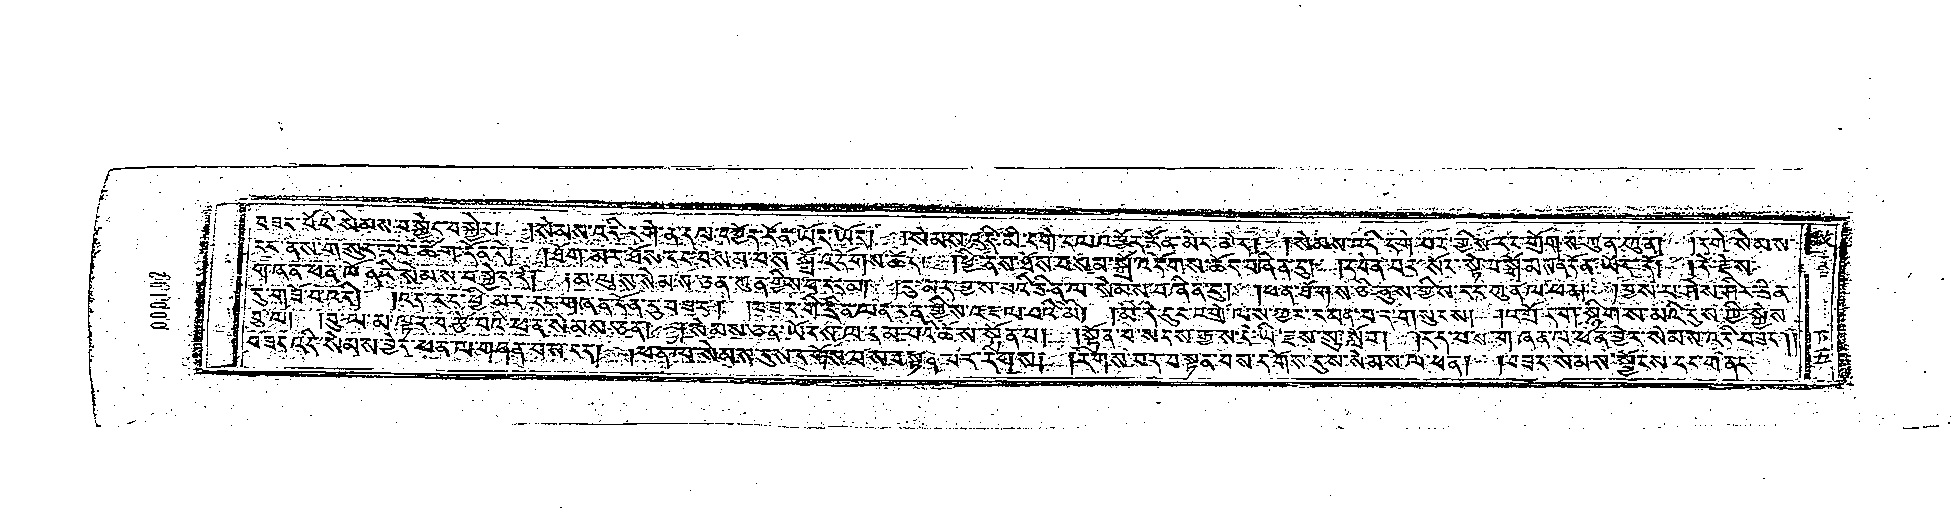བཟང་པོའི་སེམས་བསྐྱེད་བསྐྱེད། །སེམས་འདི་དགེ་ན་དལ་འབྱོར་དོན་ཡོད་ཡོད། །སེམས་འདི་མི་དགེ་དལ་འབྱོར་དོན་མེད་མེད། །སེམས་འདི་དགེ་བར་གྱིས་དང་གྲོགས་ཀུན་ཀུན། །དགེ་སེམས་
དང་ནས་གསུང་རབ་ཚིག་དོན་དེ། །ཐོག་མར་ཐོས་དང་བསམ་བས་སྒྲོ་འདོགས་ཆོད། །ཕྱི་ནས་ཐོས་བསམ་སྒྲོ་འདོགས་ཆོད་བཞིན་དུ། །དབེན་པར་སོང་སྟེ་བསྒོམས་ན་དོན་ཡོད་དོ། །དེ་རྗེས་
གཞན་ཕན་ཁོ་ནའི་སེམས་བསྐྱེད་དེ། །མ་ལུས་སེམས་ཅན་ཀུན་གྱིས་ཕ་དད་མ། །དུ་མར་བྱས་པའི་དྲིན་ལ་སེམས་བཞིན་དུ། །ཕན་ཐོགས་ཅི་ནུས་གྱིས་དང་ཀུན་ལ་ཕན། །བྱས་པ་ཤེས་ཤིང་དྲིན་
དུ་གཟོ་བ་འདི། །འདི་དང་ཕྱི་མར་རང་གཞན་དོན་དུ་བཟང་། །བཟང་གི་དྲིན་ལན་ངན་གྱིས་འཇལ་བའི་མི། །མི་དེ་དུད་འགྲོ་ལས་ཀྱང་དམན་པར་གསུངས། །འགྲོ་དག་སྙིགས་མའི་དུས་ཀྱི་སྐྱེས་
བུ་ལ། །བུ་ལ་མ་ལྟར་བརྩེ་བའི་ཕན་སེམས་ཅན། །སེམས་ཅན་ཡོངས་ལ་དམ་བའི་ཆོས་སྟོན་པ། །སྟོན་པ་སངས་རྒྱས་དེ་ཡི་རྫས་སུ་སློབ། །དད་པས་གཞན་ལ་ཕན་བྱེད་སེམས་འདི་བཟང་། །
བཟང་འདི་སེམས་བྱེད་ཕན་ལ་གཞན་བས་དང་། །ཕན་ལ་སེམས་དུས་དགོས་པས་བསྟན་པར་རིགས། །རིགས་བར་བསྟན་པས་དགོས་དུས་སེམས་ལ་ཕན། །བཟང་སེམས་སྦྱོངས་དང་གནོད་